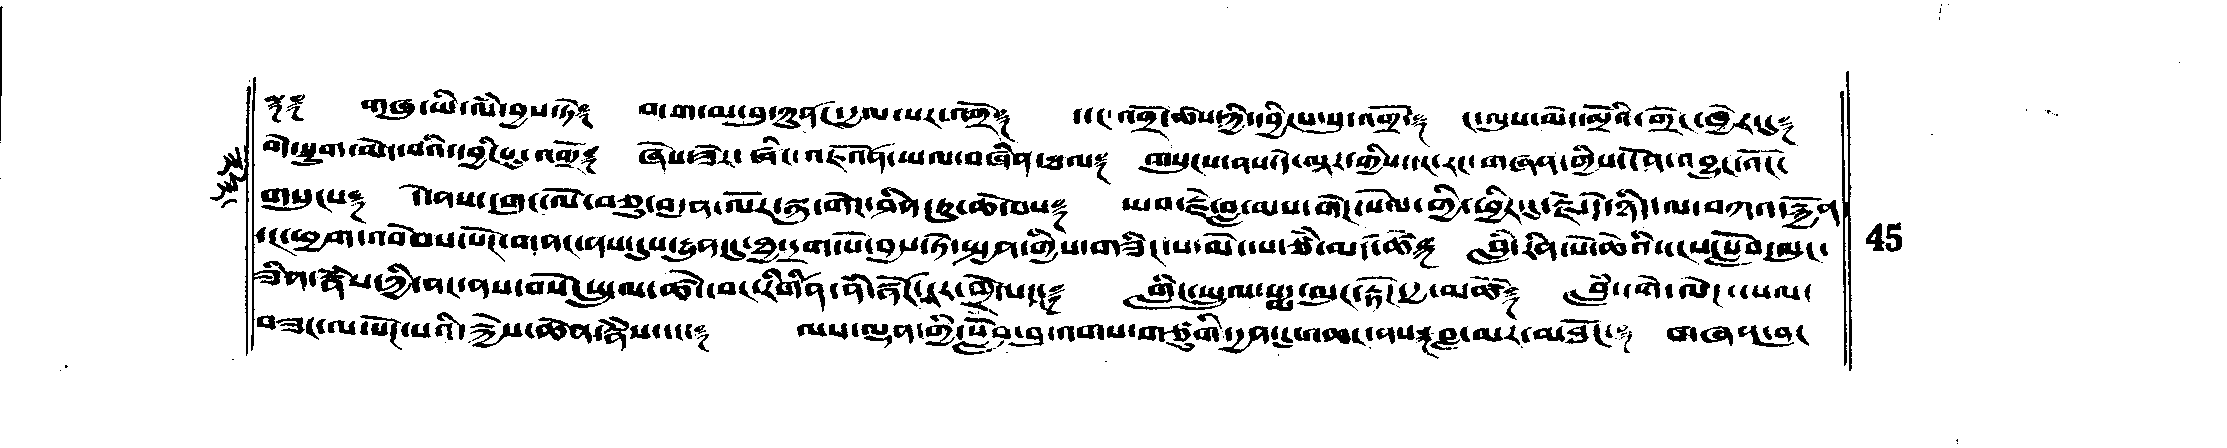གཞུ་ཡི་ལམ་བྱས་ཏེ། །བདག་མ་བུ་ཀུན་བཟང་རྒྱལ་སར་འགྲོ། །ད་ང་འགྲོ་ཆོས་ཀྱི་དབྱིངས་སུ་འགྲོ། །ང་ལུས་མེད་མཁའ་འགྲོའི་གྲོང་ཁྱེར་དུ། །
བདེ་སྡུག་མེད་པའི་དབྱིངས་སུ་འགྲོ། །ཞེས་ཟེར་ཞིང་འཇའ་མཚོན་ཡལ་བཞིན་ཐལ། གསུངས་ནས་དེ་ལྟར་གྱིས་དང་རང་གཞན་གྱིས་དོན་འབྱུང་འོང་
གསུངས། དེ་ནས་དགུང་ལོ་བཅུ་བདུན་ལོར་སྐུ་གེགས་ཤིན་ཏུ་ཆེ་བས། ཡབ་རྗེ་བླ་མས་གེགས་སེལ་གྱི་ཕྱིར་དུ་རྗེ་ཉིད་ལ་བཀའ་བཀྱཽན་
དང་ཕྱག་འབེབས་སོགས་གནང་ནས་དུས་རྒྱུན་དུ་ཐུགས་དྲག་པོ་བྱས་ཏེ་སྤྱན་གྱིས་གཟིགས་པ་མེད་པ་ཙམ་མཛད་ཚེ། བླ་མ་རིན་པོ་ཆེའི་དངོས་སློབ་ལུང་
ཟིན་རྣམས་ཀྱི་ནང་ནས་བསོ་སྤྲུལ་ཚེ་དབང་རིག་འཛིན་ནམ་སྣ་ཚོགས་རང་གྲོལ་དང་། གླིང་སྤྲུལ་པདྨ་ལུང་རྟོགས་རྒྱ་མཚོ། བླ་མ་དགེ་ལེགས་དཔལ་
བཟང་ལ་སོགས་པའི་སྐྱེས་ཆེན་རྣམས་དང་། ལས་ལྡན་གྱི་སློབ་བུ་འགས་གཙུག་གི་རྒྱན་དུ་འཆང་ནས། བླ་མར་མཐོང་། གཞན་བུ་